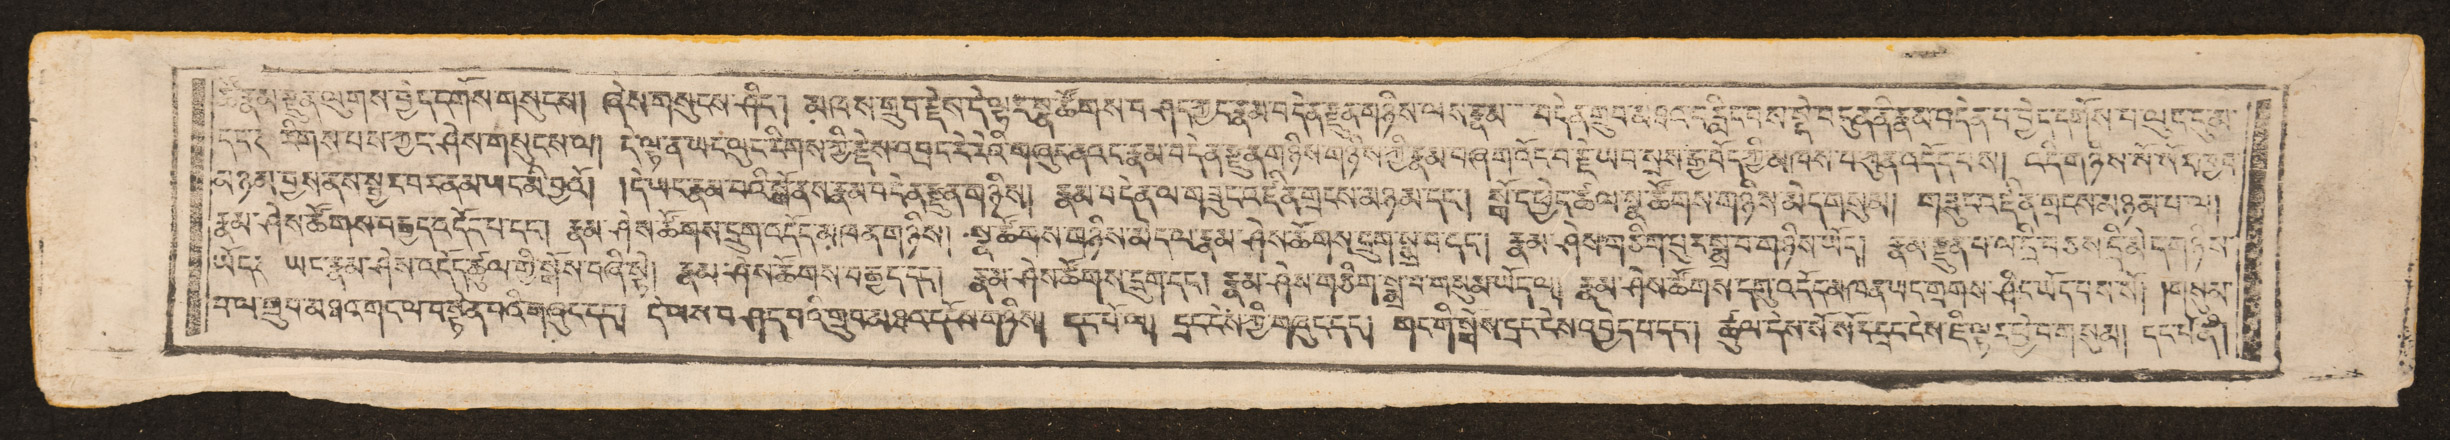ཚེ་རྣམ་རྫུན་ལུགས་བྱེད་དགོས་གསུངས། ཞེས་གསུངས་ཤིང་། མཁས་གྲུབ་རྗེས་དེ་ལྟར་སྣ་ཚོགས་བཤད་ཀྱང་རྣམ་བདེན་རྫུན་གཉིས་ལས་རྣམ་བདེན་གྲུབ་མཐའ་བརླིང་བས་སྡེ་བདུན་ནི་རྣམ་བདེན་པ་བྱེད་དགོས་པ་ལུང་དུ་མ་
དང༑ རིགས་པས་ཀྱང་ཤེས་གསུངས་ལ། དེ་ལྟ་ན་ཡང་ལུང་རིགས་ཀྱི་རྗེས་འབྲང་རེ་རེའི་གཞུང་ན་འང་རྣམ་བདེན་རྫུན་གཉིས་གཉིས་ཀྱི་རྣམ་བཞག་འོང་བ་རྗེ་ཡབ་སས་རྒྱ་བོད་ཀྱི་མཁས་པ་ཀུན་འདོད་པས། འདི་གཉིས་སོ་སོར་ཁྱབ་
མཉམ་བྱས་ནས་སྦྱར་བར་རྣམ་ཡང་མི་བྱའོ། །དེ་ཡང་རྣམ་པའི་སྒོ་ནས་རྣམ་བདེན་རྫུན་གཉིས། རྣམ་བདེན་ལ་གཟུང་འཛིན་གྲངས་མཉམ་དང་། སྒོང་ཕྱེད་ཚལ་སྣ་ཚོགས་གཉིས་མེད་གསུམ། གཟུང་འཛིན་གྲངས་མཉམ་པ་ལ།
རྣམ་ཤེས་ཚོགས་བརྒྱད་འདོད་པ་དང་། རྣམ་ཤེས་ཚོགས་དྲུག་འདོད་མཁན་གཉིས། སྣ་ཚོགས་གཉིས་མེད་ལ་རྣམ་ཤེས་ཚོགས་དྲུག་སྨྲ་བ་དང་། རྣམ་ཤེས་གཅིག་པུར་སྨྲ་བ་གཉིས་ཡོད། རྣམ་རྫུན་པ་ལ་དྲི་བཅས་དྲི་མེད་གཉིས་
ཡོད༑ ཡང་རྣམ་ཤེས་འདོད་ཚུལ་གྱི་སྒོས་བཞི་སྟེ། རྣམ་ཤེས་ཚོགས་བརྒྱད་དང་། རྣམ་ཤེས་ཚོགས་དྲུག་དང་། རྣམ་ཤེས་གཅིག་སྨྲ་བ་གསུམ་ཡོད་ལ། རྣམ་ཤེས་ཚོགས་དགུ་འདོད་མཁན་ཡང་གྲགས་ཤིང་ཡོད་པས་སོ། །གསུམ་
པ་ལ་གྲུབ་མཐའ་གང་ལ་བསྟེན་པའི་གཞུང་དང་། དེ་ལས་བཤད་པའི་གྲུབ་མཐའ་དངོས་གཉིས། དང་པོ་ལ། དྲང་ངེས་ཀྱི་གཞུང་དང་། གང་གི་སྒོས་དྲང་ངེས་འབྱེད་པ་དང་། ཚུལ་དེས་སོ་སོང་དྲང་ངེས་ཇི་ལྟར་ཕྱེ་བ་གསུམ། དང་པོ་ནི།